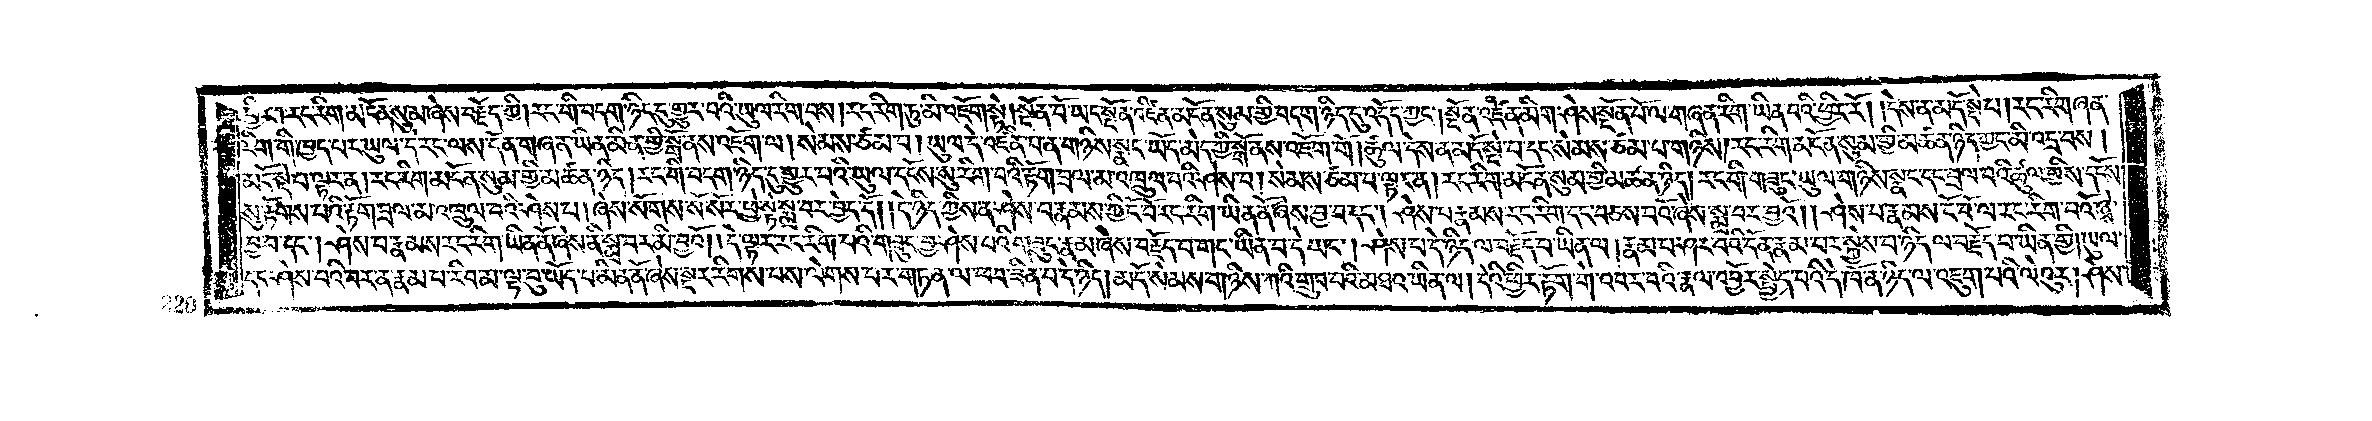ཕྱིར༑ རང་རིག་མངོན་སུམ་ཞེས་བརྗོད་ཀྱི། རང་གི་བདག་ཉིད་དུ་གྱུར་པའི་ཡུལ་རིག་པས། རང་རིག་ཏུ་མི་འཇོག་སྟེ། སྔོན་པོ་ཡང་སྔོན་འཛིན་མངོན་སུམ་གྱི་བདག་ཉིད་དུ་འདོད་ཀྱང་། སྔོན་འཛིན་མིག་ཤེས་སྔོན་པོ་ལ་གཞན་རིག་ཡིན་པའི་ཕྱིར་རོ། །དེས་ན་མདོ་སྡེ་པ། རང་རིག་གཞན་
རིག་གི་ཁྱད་པར་ཡུལ་དེ་རང་ལས་དོན་གཞན་ཡིན་མིན་གྱི་སྒོ་ནས་འཇོག་ལ། སེམས་ཙམ་པ། ཡུལ་དེ་འཛིན་པ་ན་གཉིས་སྣང་ཡོད་མེད་ཀྱི་སྒོ་ནས་འཇོག་གོ །ཚུལ་དེས་ན་མདོ་སྡེ་པ་དང་སེམས་ཙམ་པ་གཉིས་རང་རིག་མངོན་སུམ་གྱི་མཚན་ཉིད་ཀྱང་མི་འདྲ་བས།
མདོ་སྡེ་པ་ལྟར་ན། རང་རིག་མངོན་སུམ་གྱི་མཚན་ཉིད། རང་གི་བདག་ཉིད་དུ་གྱུར་པའི་ཡུལ་དངོས་སུ་རིག་པའི་རྟོག་བྲལ་མ་འཁྲུལ་བའི་ཤེས་པ། སེམས་ཙམ་པ་ལྟར་ན། རང་རིག་མངོན་སུམ་གྱི་མཚན་ཉིད། རང་གི་གཟུང་ཡུལ་གཉིས་སྣང་དང་བྲལ་བའི་ཚུལ་གྱིས་དངོས་
སུ་རྟོགས་པའི་རྟོག་བྲལ་མ་འཁྲུལ་བའི་ཤེས་པ། ཞེས་སོགས་སོ་སོར་ཕྱེ་སྟེ་སྨྲ་བར་བྱེད་དོ། །དེ་ཉིད་ཀྱིས་ན་ཤེས་པ་རྣམས་ཀྱི་ངོ་བོ་རང་རིག་ཡིན་ནོ་ཞེས་བྱ་བ་དང་། ཤེས་པ་རྣམས་རང་རིག་དང་བཅས་པའོ་ཞེས་སྨྲ་བར་བྱའོ། །ཤེས་པ་རྣམས་ངོ་བོ་ལ་རང་རིག་པའོ་ཞེས་
བྱ་བ་དང་། ཤེས་པ་རྣམས་རང་རིག་ཡིན་ནོ་ཞེས་ནི་སྨྲ་བར་མི་བྱའོ། །དེ་ལྟར་རང་རིག་པའི་གཟུང་བྱ་ཤེས་པའི་གཟུང་རྣམ་ཞེས་བརྗོད་པ་གང་ཡིན་པ་དེ་ཡང་། ཤེས་པ་དེ་ཉིད་ལ་བརྗོད་པ་ཡིན་ལ། རྣམ་པ་ཤར་བའི་དོན་རྣམ་པར་སྐྱེས་པ་ཉིད་ལ་བརྗོད་པ་ཡིན་གྱི། ཡུལ་
དང་ཤེས་པའི་བར་ན་རྣམ་པ་རིབ་མ་ལྟ་བུ་ཡོད་པ་མིན་ནོ་ཞེས་སྔར་རིགས་པས་ལེགས་པར་གཏན་ལ་ཕབ་ཟིན་པ་དེ་ཉིད། མདོ་སེམས་གཉིས་ཀའི་གྲུབ་པའི་མཐའ་ཡིན་ལ། དེའི་ཕྱིར་རྟོག་གེ་འབར་བའི་རྣལ་འབྱོར་སྤྱོད་པའི་དེ་ཁོ་ན་ཉིད་ལ་འཇུག་པའི་ལེའུར། ཤེས་